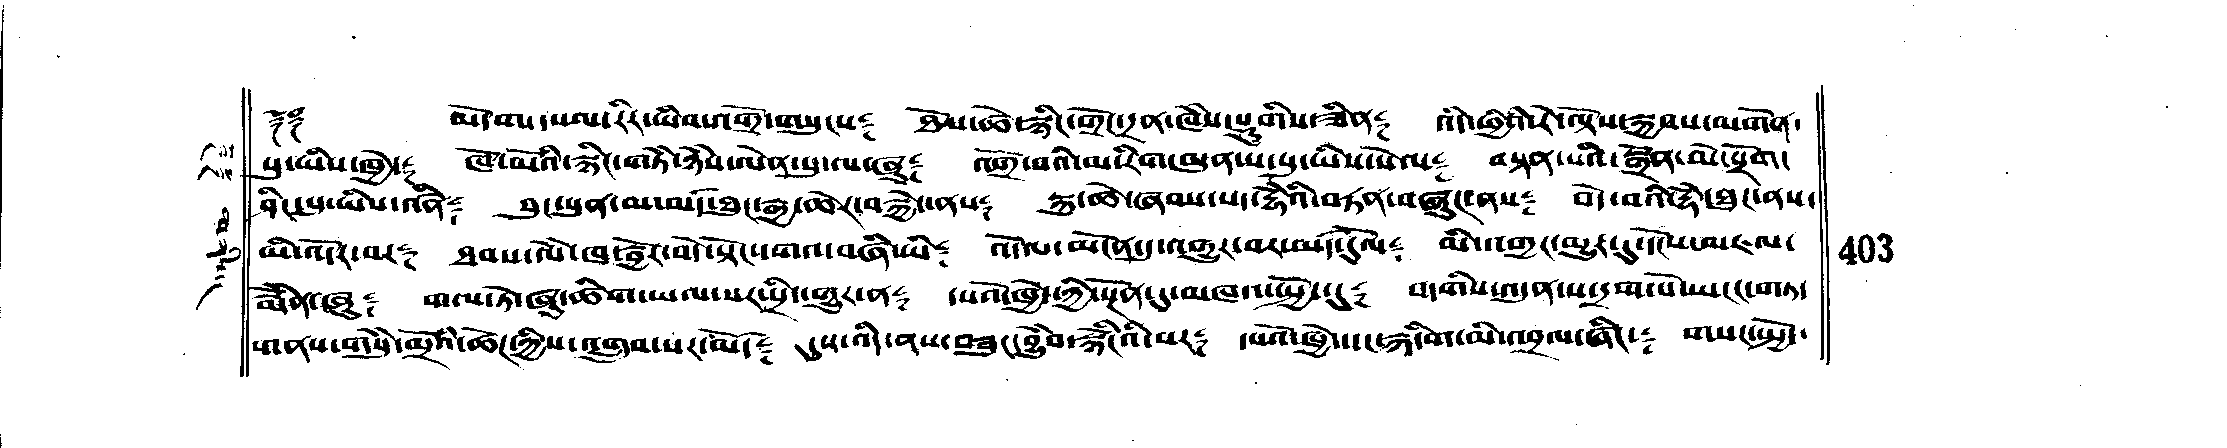མདོག་དཔལ་རིར་ཡིབ་འགྲོ་གསུངས། །ཐོས་ཚེ་སྙིང་གྲོགས་དྲན་ཁམས་སྡུག་གིས་ཟིན། །འདི་ཕྱིའི་རེ་ལྟོས་སྐྱབས་མགོན་
སུ་ཡིས་བྱེད། ཁོ་མོའི་སྙིང་གཏམ་ཉམས་ལེན་སུ་ལ་ཞུ། །འགྲོ་བའི་མ་རིག་མུན་པ་སུ་ཡིས་སེལ། །བསྟན་པའི་སྒྲོན་མེ་སྲོག་
ཤིང་སུ་ཡིས་འཛིན། །ཐུགས་སུན་མ་མཛད་ཐུགས་རྒྱ་ཆེར་བསྐྱེད་ནས། །སྐུ་ཚེ་ཞབས་པད་རྡོ་རྗེའི་བརྟན་བཞུགས་ནས། །བདེ་བའི་རྡོ་རྗེ་ཐུགས་ནས་
མི་འདོར་བར། །ཐབས་ལམ་ཁ་སྦྱོར་བདེ་སྟོང་དགའ་བཞི་ཡི། །འོད་གསལ་མངོན་དུ་འགྱུར་བར་མཛད་དུ་གསོལ། །མི་འགྱང་མྱུར་དུ་དངོས་མཇལ་
སྨོན་ལམ་ཞུ། །གལ་ཏེ་ཞུ་ཚིག་ཡལ་སར་༼བར་?༽སྲིད་གྱུར་ན། །དཔའ་བོ་ཁྱོད་ཀྱི་སྔོན་དུ་མཁའ་སྤྱོད་དུ། །བདག་གིས་འདུན་པ་དྲག་པོ་ཡང་ཡང་གཏད། །
གནས་གསུམ་མཁའ་འགྲོའི་ཚོགས་ཀྱིས་འགྲུབ་པར་མཛོད། །དུས་འདི་ནས་བཟུང་བྱང་ཆུབ་སྙིང་པོའི་བར། །དཔའ་བོ་ཁྱེད་དང་སྐད་ཅིག་མི་འབྲལ་ཞིང་། །གསང་སྤྱོད་